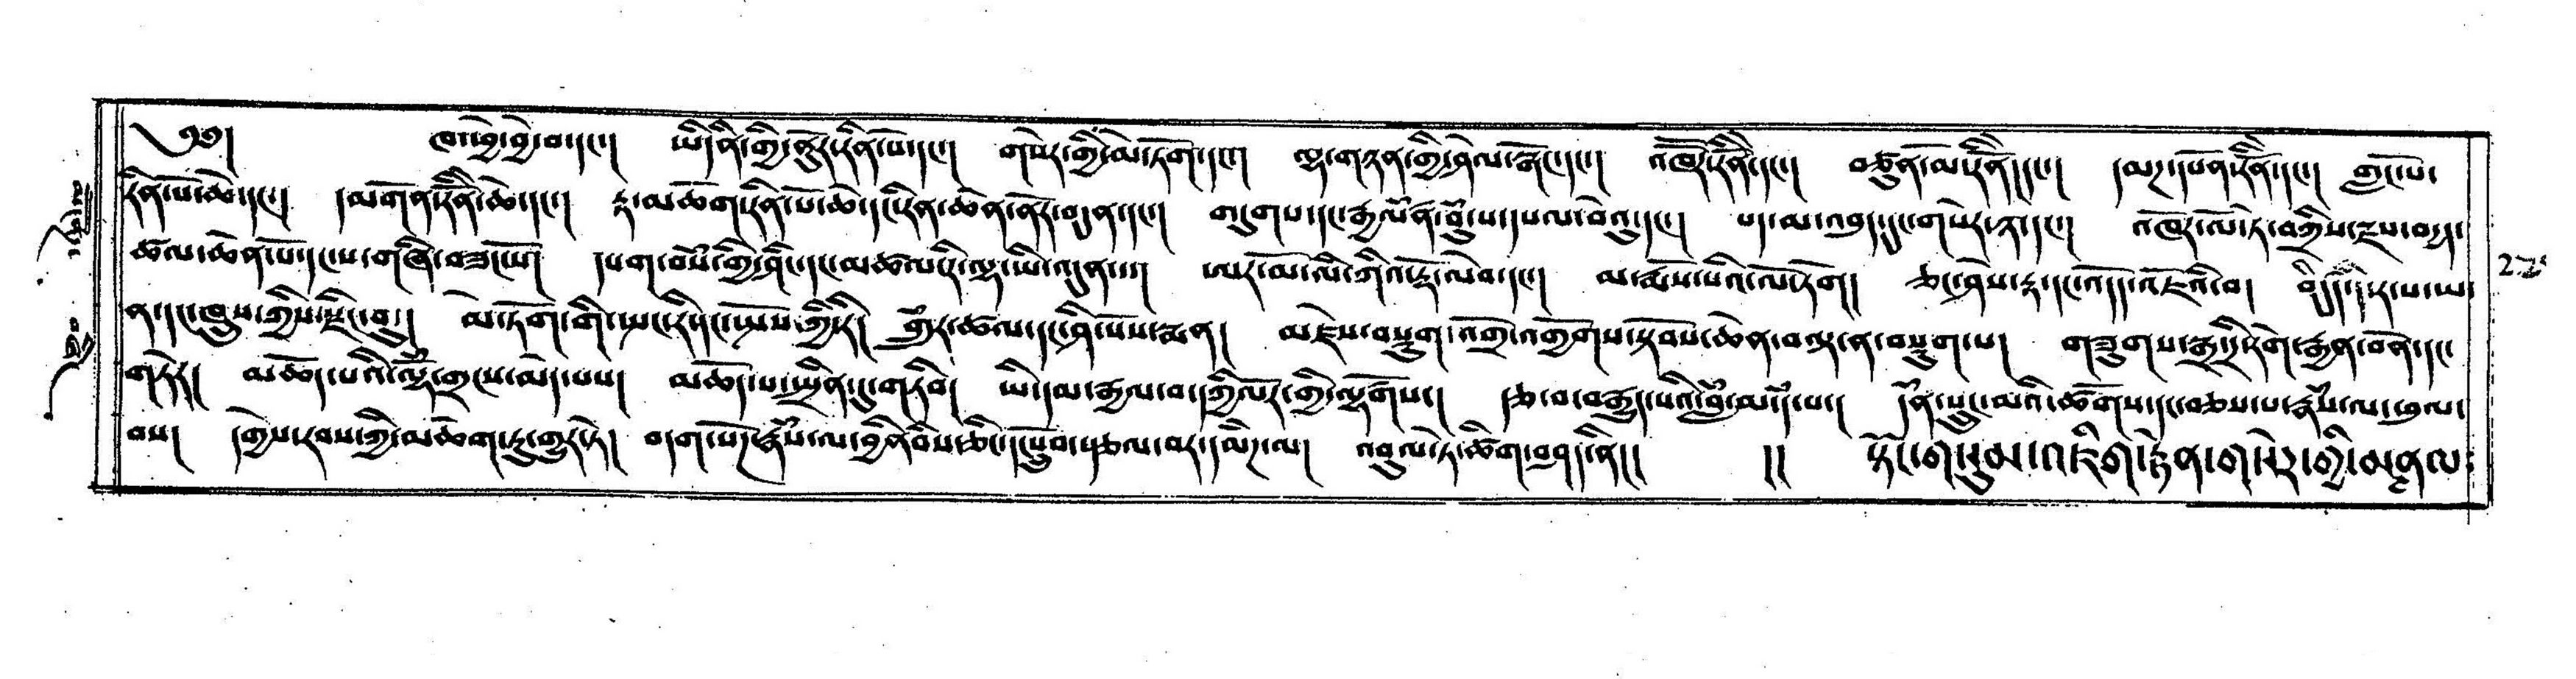ཁ་ཕྱེ་བྱེ་བ་དང་། ཡིད་བཞིན་གྱི་ནོར་བུ་རིན་པོ་ཆེ་དང་། གསེར་གྱི་མེ་ཏོག་དང་། ལྷ་གཉན་གྱི་ཤེལ་སྒོང་དང་། འཁོར་ལོ་རིན་པོ་ཆེ་དང་། བཙུན་མོ་རིན་པོ་ཆེ་དང་། དམག་དཔོན་རིན་པོ་ཆེ་དང་། གླང་པོ་
རིན་པོ་ཆེ་དང་། དམག་དཔོན་རིན་པོ་ཆེ་དང་། རྟ་མཆོག་རིན་པོ་ཆེ་དང་རིན་ཆེན་ནོར་བདུན་དང་། གདུགས་དང་རྒྱལ་མཚན་བུམ་པ་དཔལ་བེའུ་དང་། པད་མ་འབུད་དུང་གསེར་ཉ་དང་། འཁོར་ལོ་ཏེ་བཀྲ་ཤིས་རྫས་བརྒྱད་
ཚལ་ཆེན་པོ་དང་པ་གཞི་བཟང་པོ། དཔག་བསམ་གྱི་ཤིང་དང་མཚལ་རི་ལྷ་ཡི་འདུན་པ། ཨར་མོ་ལི་ཀའི་རྡོ་ལེབ་དང་། མ་རྨོས་པའི་ལོ་ཏོག ཅང་ཤེས་རྟ་དང་འདོད་འཇོའི་བ། བདུད་རྩི་དེ་ར་ས་ཡ་
ན་དང་ཁྲུས་ཀྱིས་རྫིང་བུ། མེ་ཏོག་གི་སྤང་རི་དང་སྤོས་ཀྱི་རི། གུར་གུམ་ཚལ་དང་ཤི་པོས་སྨན། མཛེས་སྡུག་འགྲོ་འགྱོགས་སྟོབས་ཆེན་བལྟ་ན་བསྡུག་པ། གཟུགས་སྒྲ་དྲི་རེག་རྒྱན་བོན་དང་
གཏེར། མཆོད་པའི་ལྷ་མོ་གྲངས་མེད་པས། མཆོད་པ་སྤྲིན་དུ་གཏིབ། ཡི་དམ་རྒྱལ་བ་དཀྱིལ་འཁོར་གྱི་ལྷ་ཚོགས། རྩ་བ་བརྒྱུད་པའི་བླ་མ་མ་དམ་པ། དམ་ཅན་སྲུང་མའི་ཚོགས་དང་བཅས་པ་རྣམས་ལ་ཕུལ་
བས། དགྱེས་རབ་ཀྱི་མཆོག་ཏུ་གྱུར་ཏེ། བདག་སོགས་རྣམས་ལ་བྱིན་གྱིས་རླབས་ཅིང་དངོས་གྲུབ་སྩལ་བར་དམིགས་ལ། འབུལ་ཏེ་ཚིག་བཤད་ནི།། སྟོང་གསུམ་འཇིག་རྟེན་གསེར་གྱི་མནྚལ་